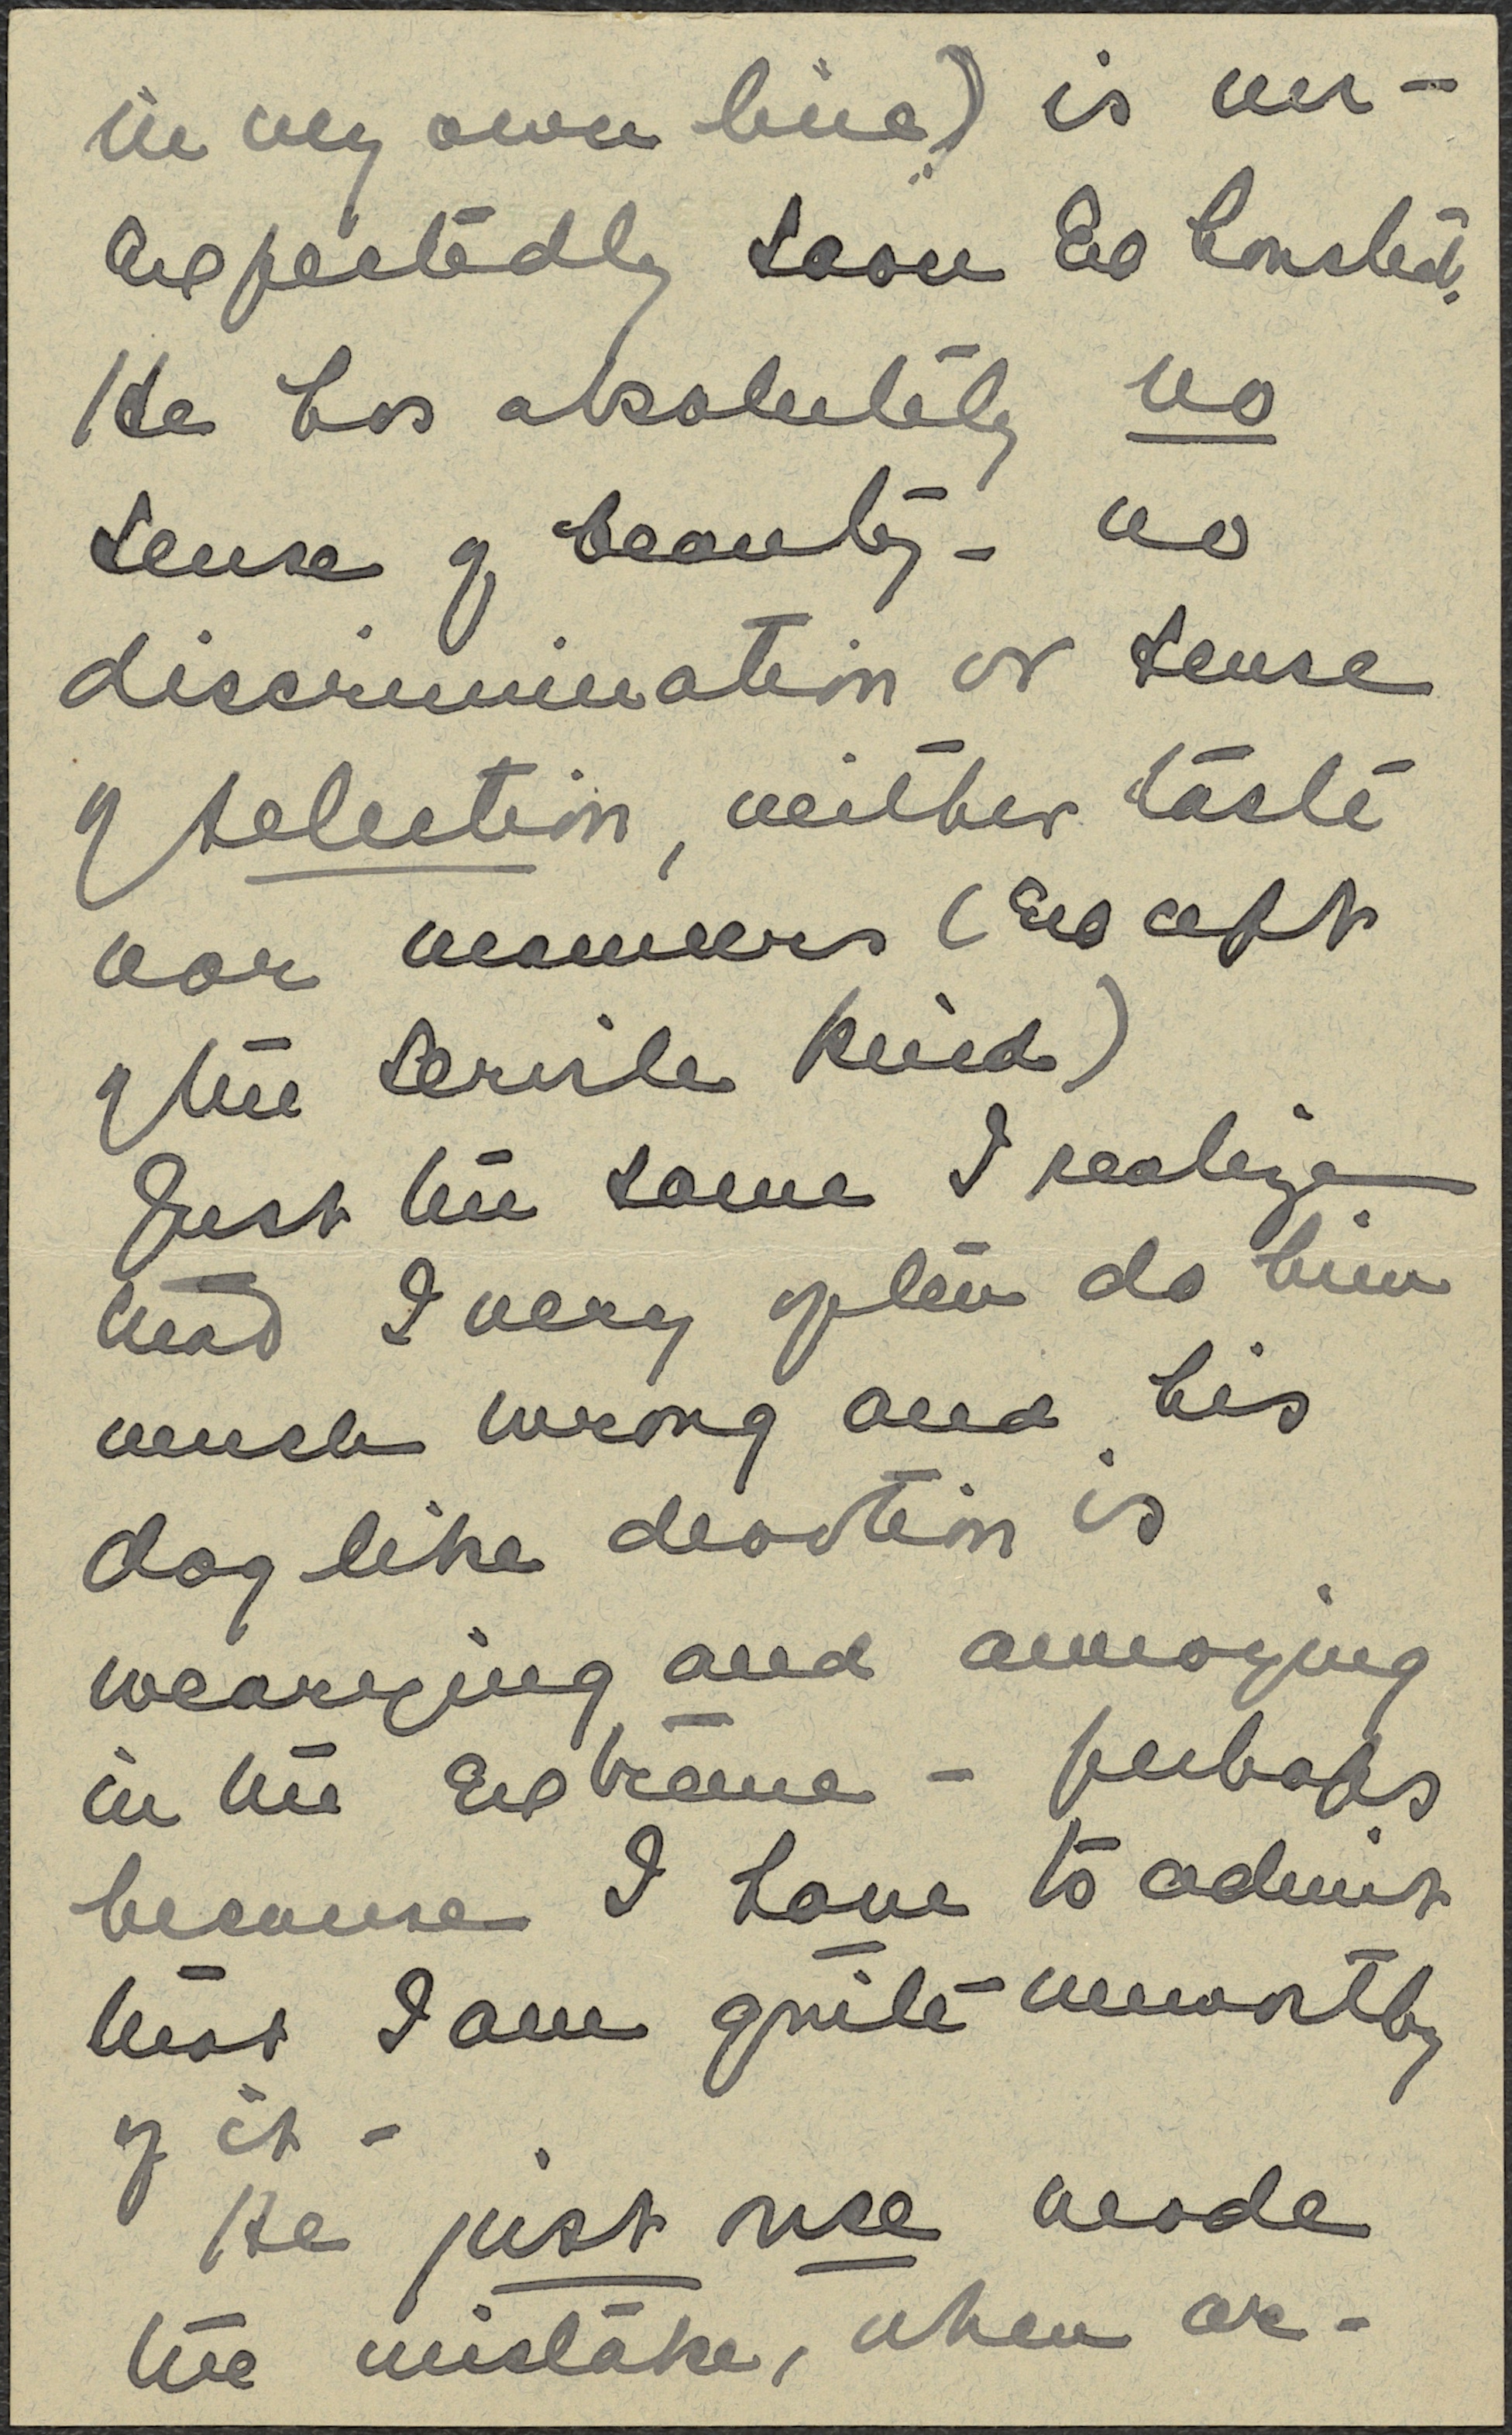in my own line) is unexpectedly soon exhausted. He has absolutely no sense of beauty – no discrimination or sense of selection, neither taste nor manners (except of the servile kind)
Just the same I realize that I very often do him much wrong and his doglike devotion is wearying and annoying in the extreme – perhaps because I have to admit that I am quite unworthy of it –
He just once made the mistake, when arguing